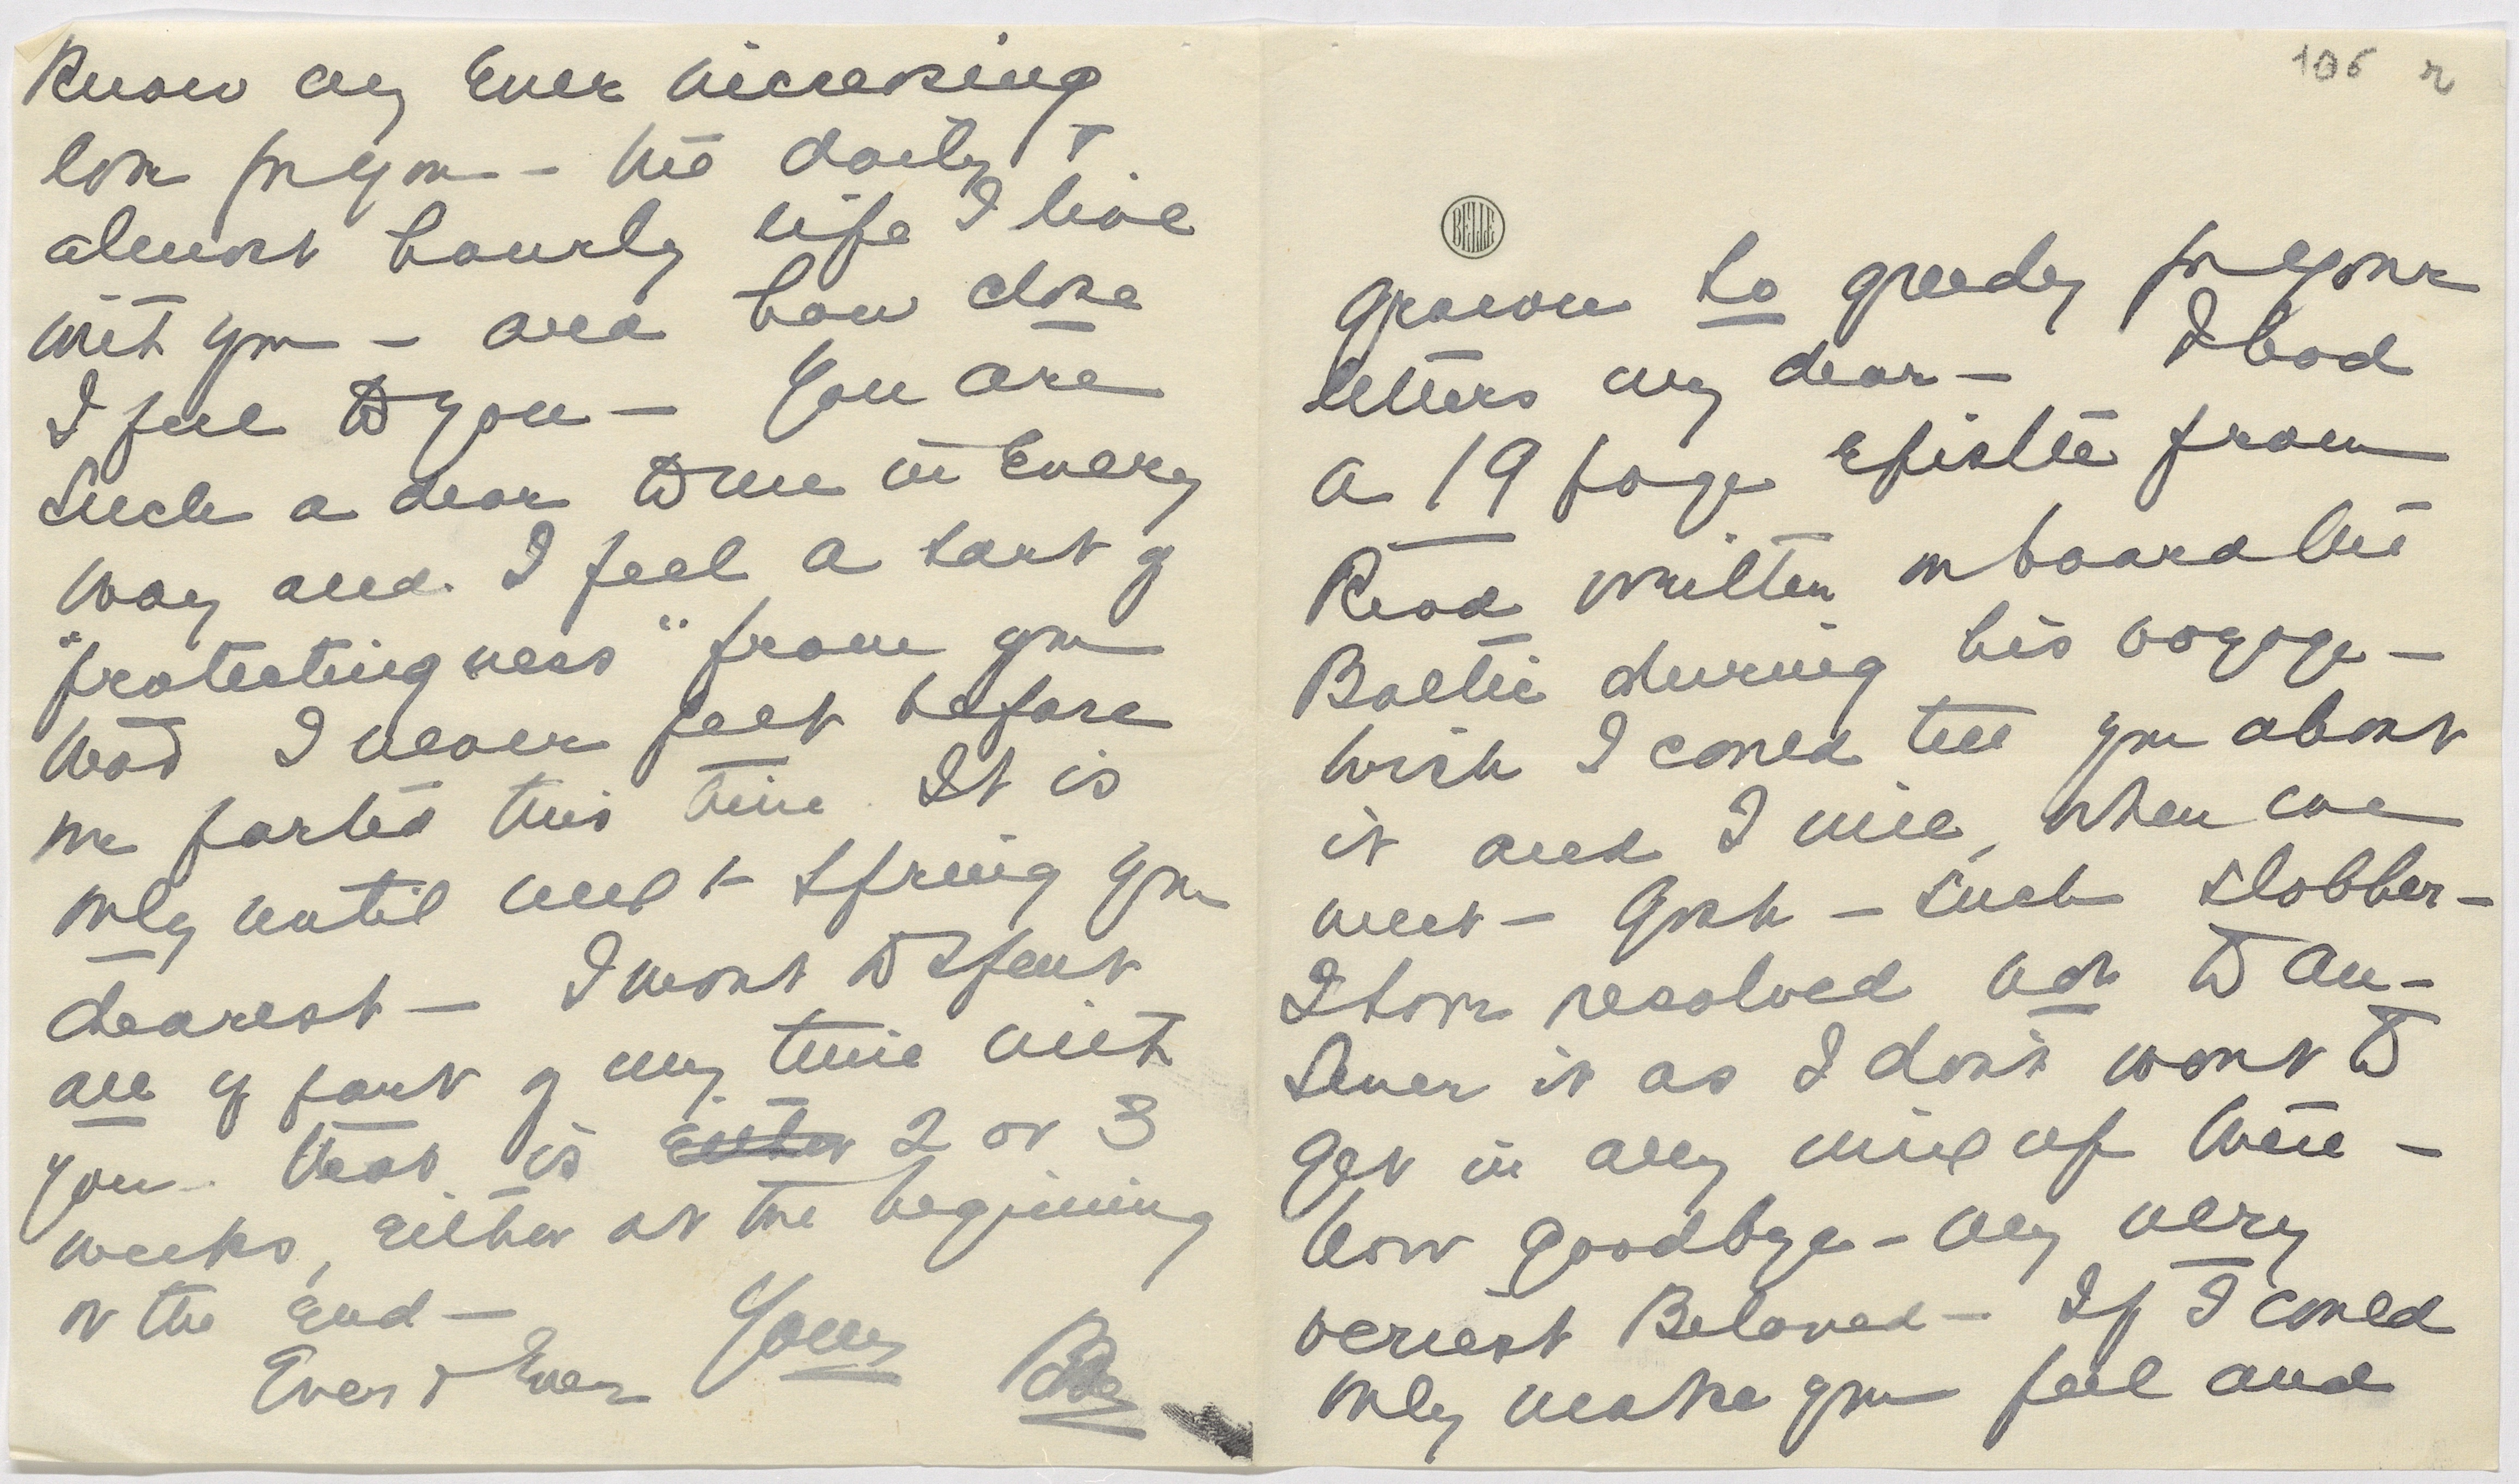grown so greedy for your letters my dear – I had a 19 page epistle from Read written on board the Baltic during his voyage – wish I could tell you about it and I will, when we meet – Gosh – such slobber – I have resolved not to answer it as I don’t want to get in any mixup there – now goodbye – my very veriest Beloved – If I could only make you feel and
know my ever increasing love for you – the daily & almost hourly life I live with you – and how close I feel to you – you are such a dear to me in every way and I feel a sort of “protestingness” from you that I never felt before we parted this time. It is only until next spring you dearest – I want to spent [sic] all of part of my time with you that is either 2 or 3 weeks, either at the beginning or the end –
Ever & Ever Your Belle